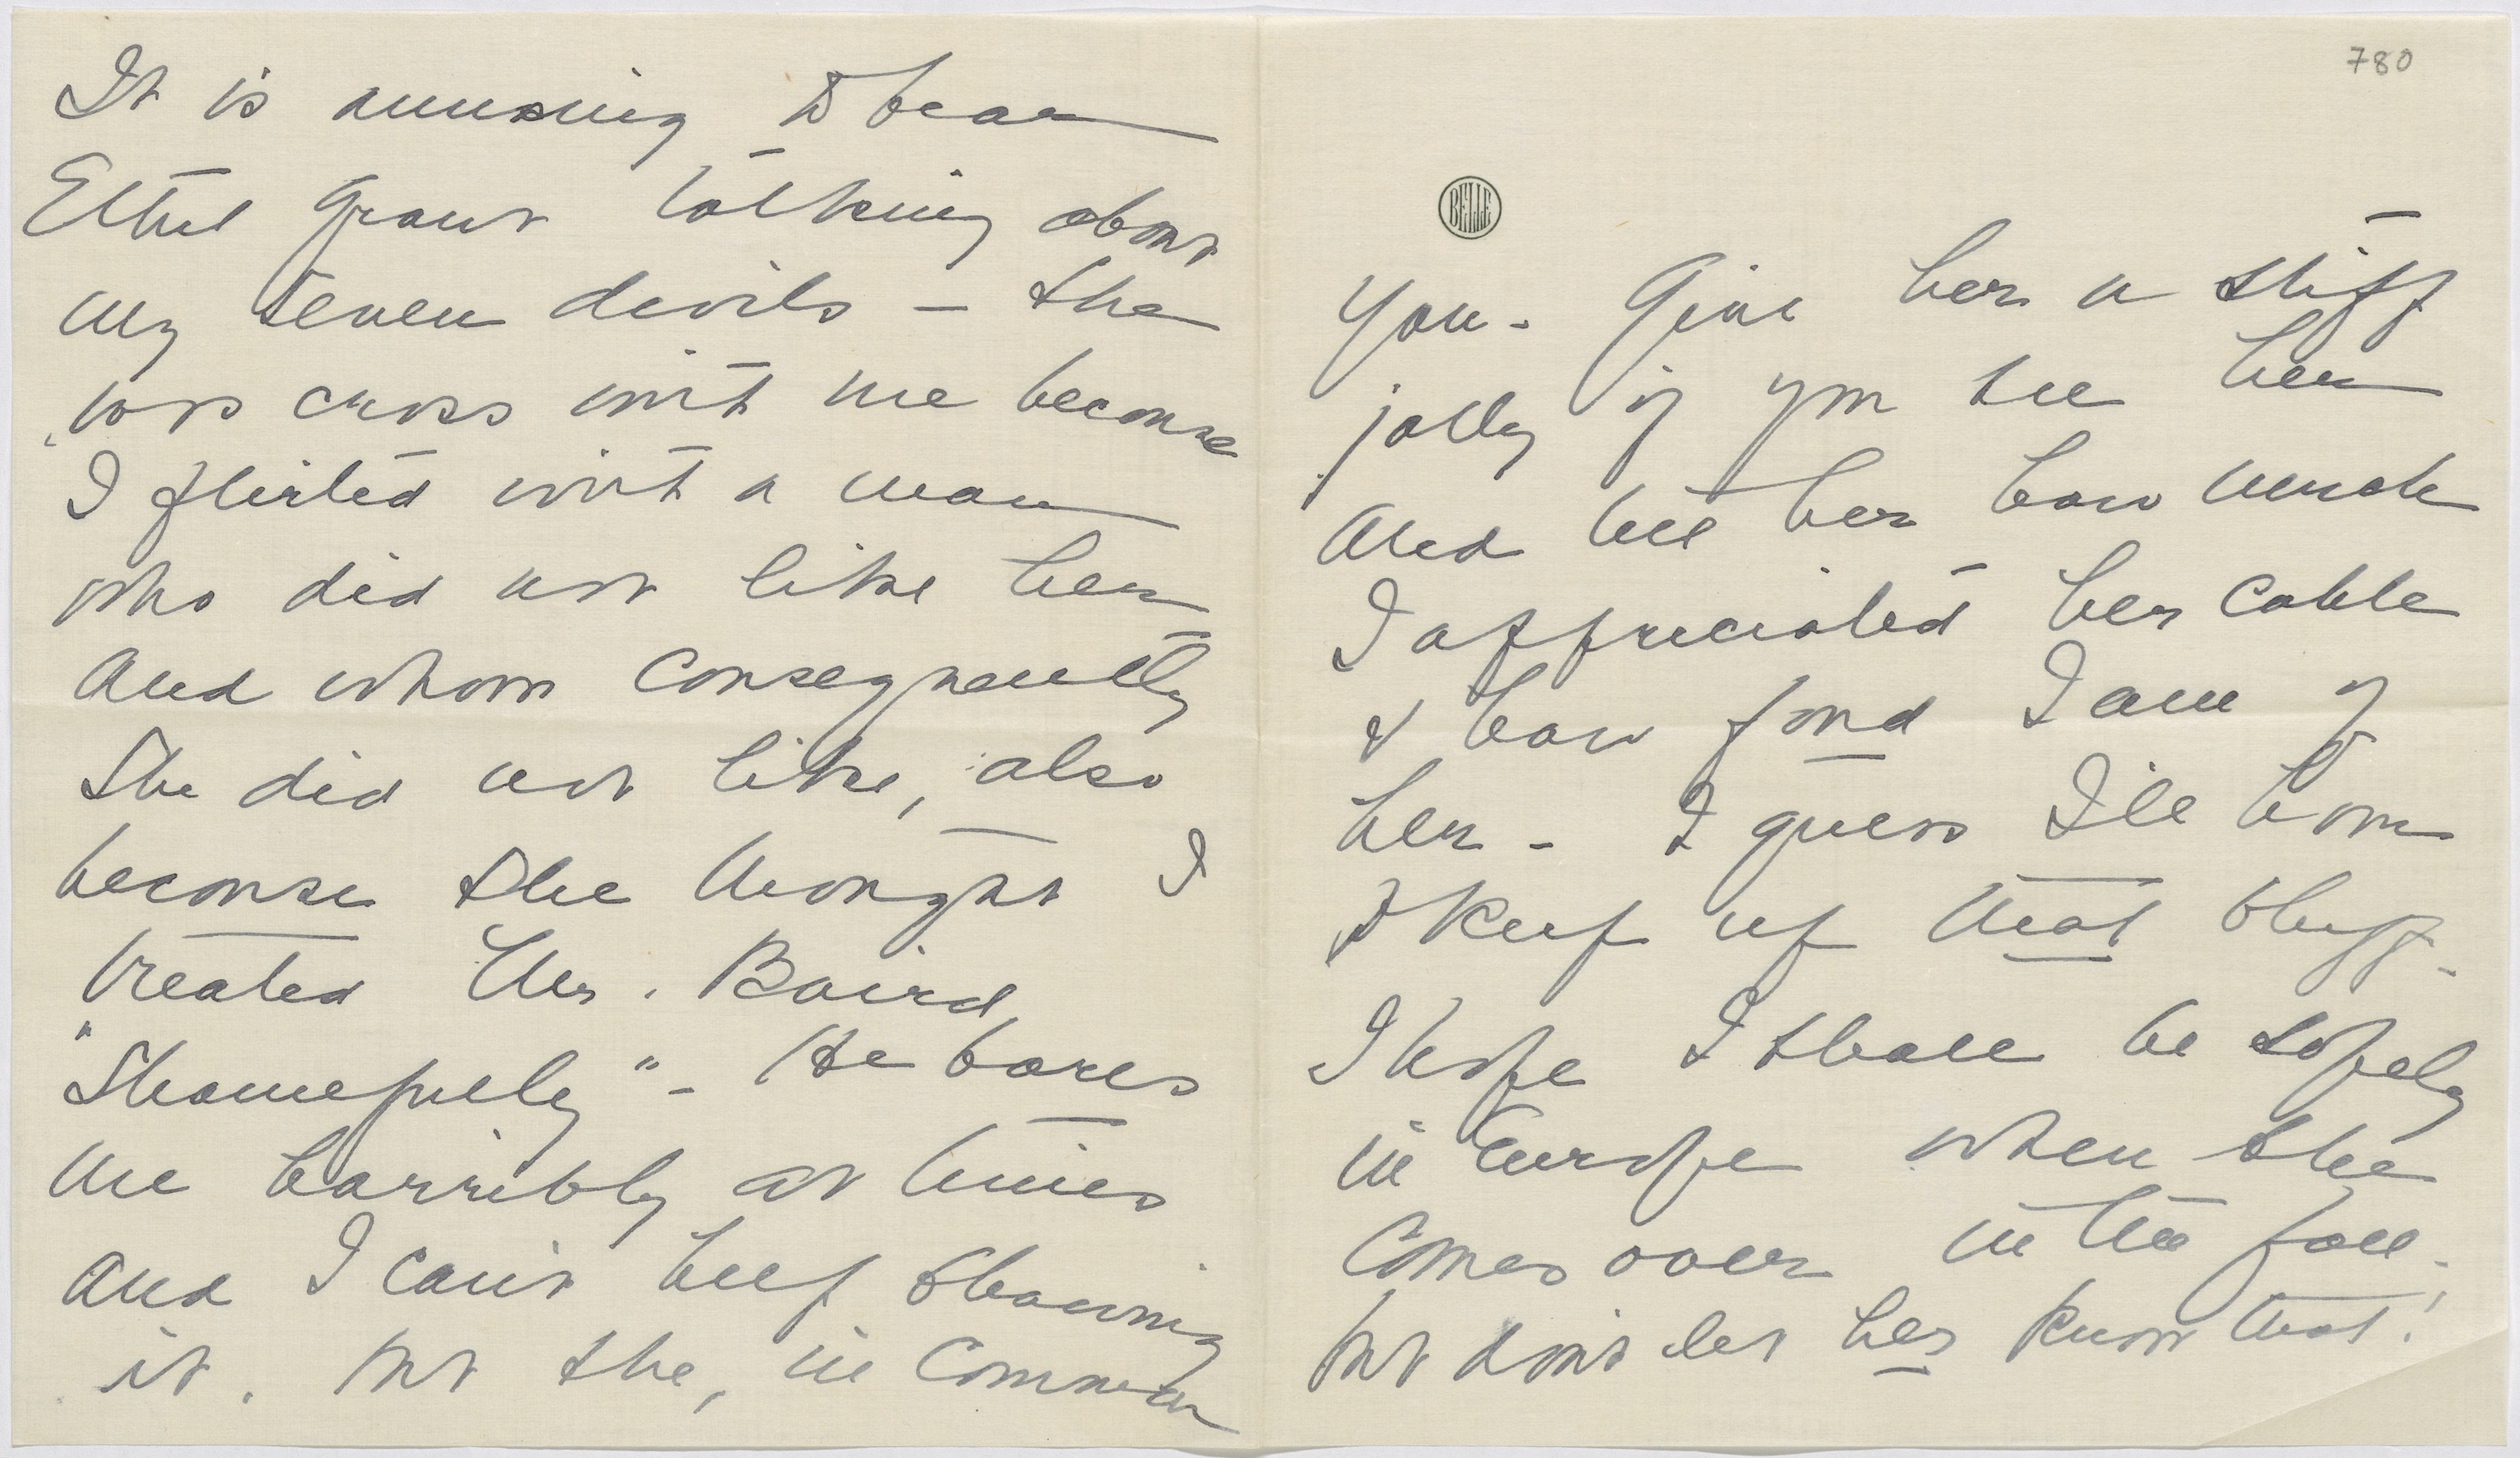you – Give her a stiff jolly if you see her and tell her how much I appreciated her cable & how fond I am of her – I guess I’ll have to keep up that bluff – I hope I shall be safely in Europe when she comes over in the fall. but don’t let her know that!
It is amusing to hear Ethel Grant talking about my seven devils – she was cross with me because I flirted with a man who did not like her and whom consequently she did not like, also because she thought I treated Mr. Baird “shamefully” – He bores me horribly at times and I can’t help showing it. but she, in common